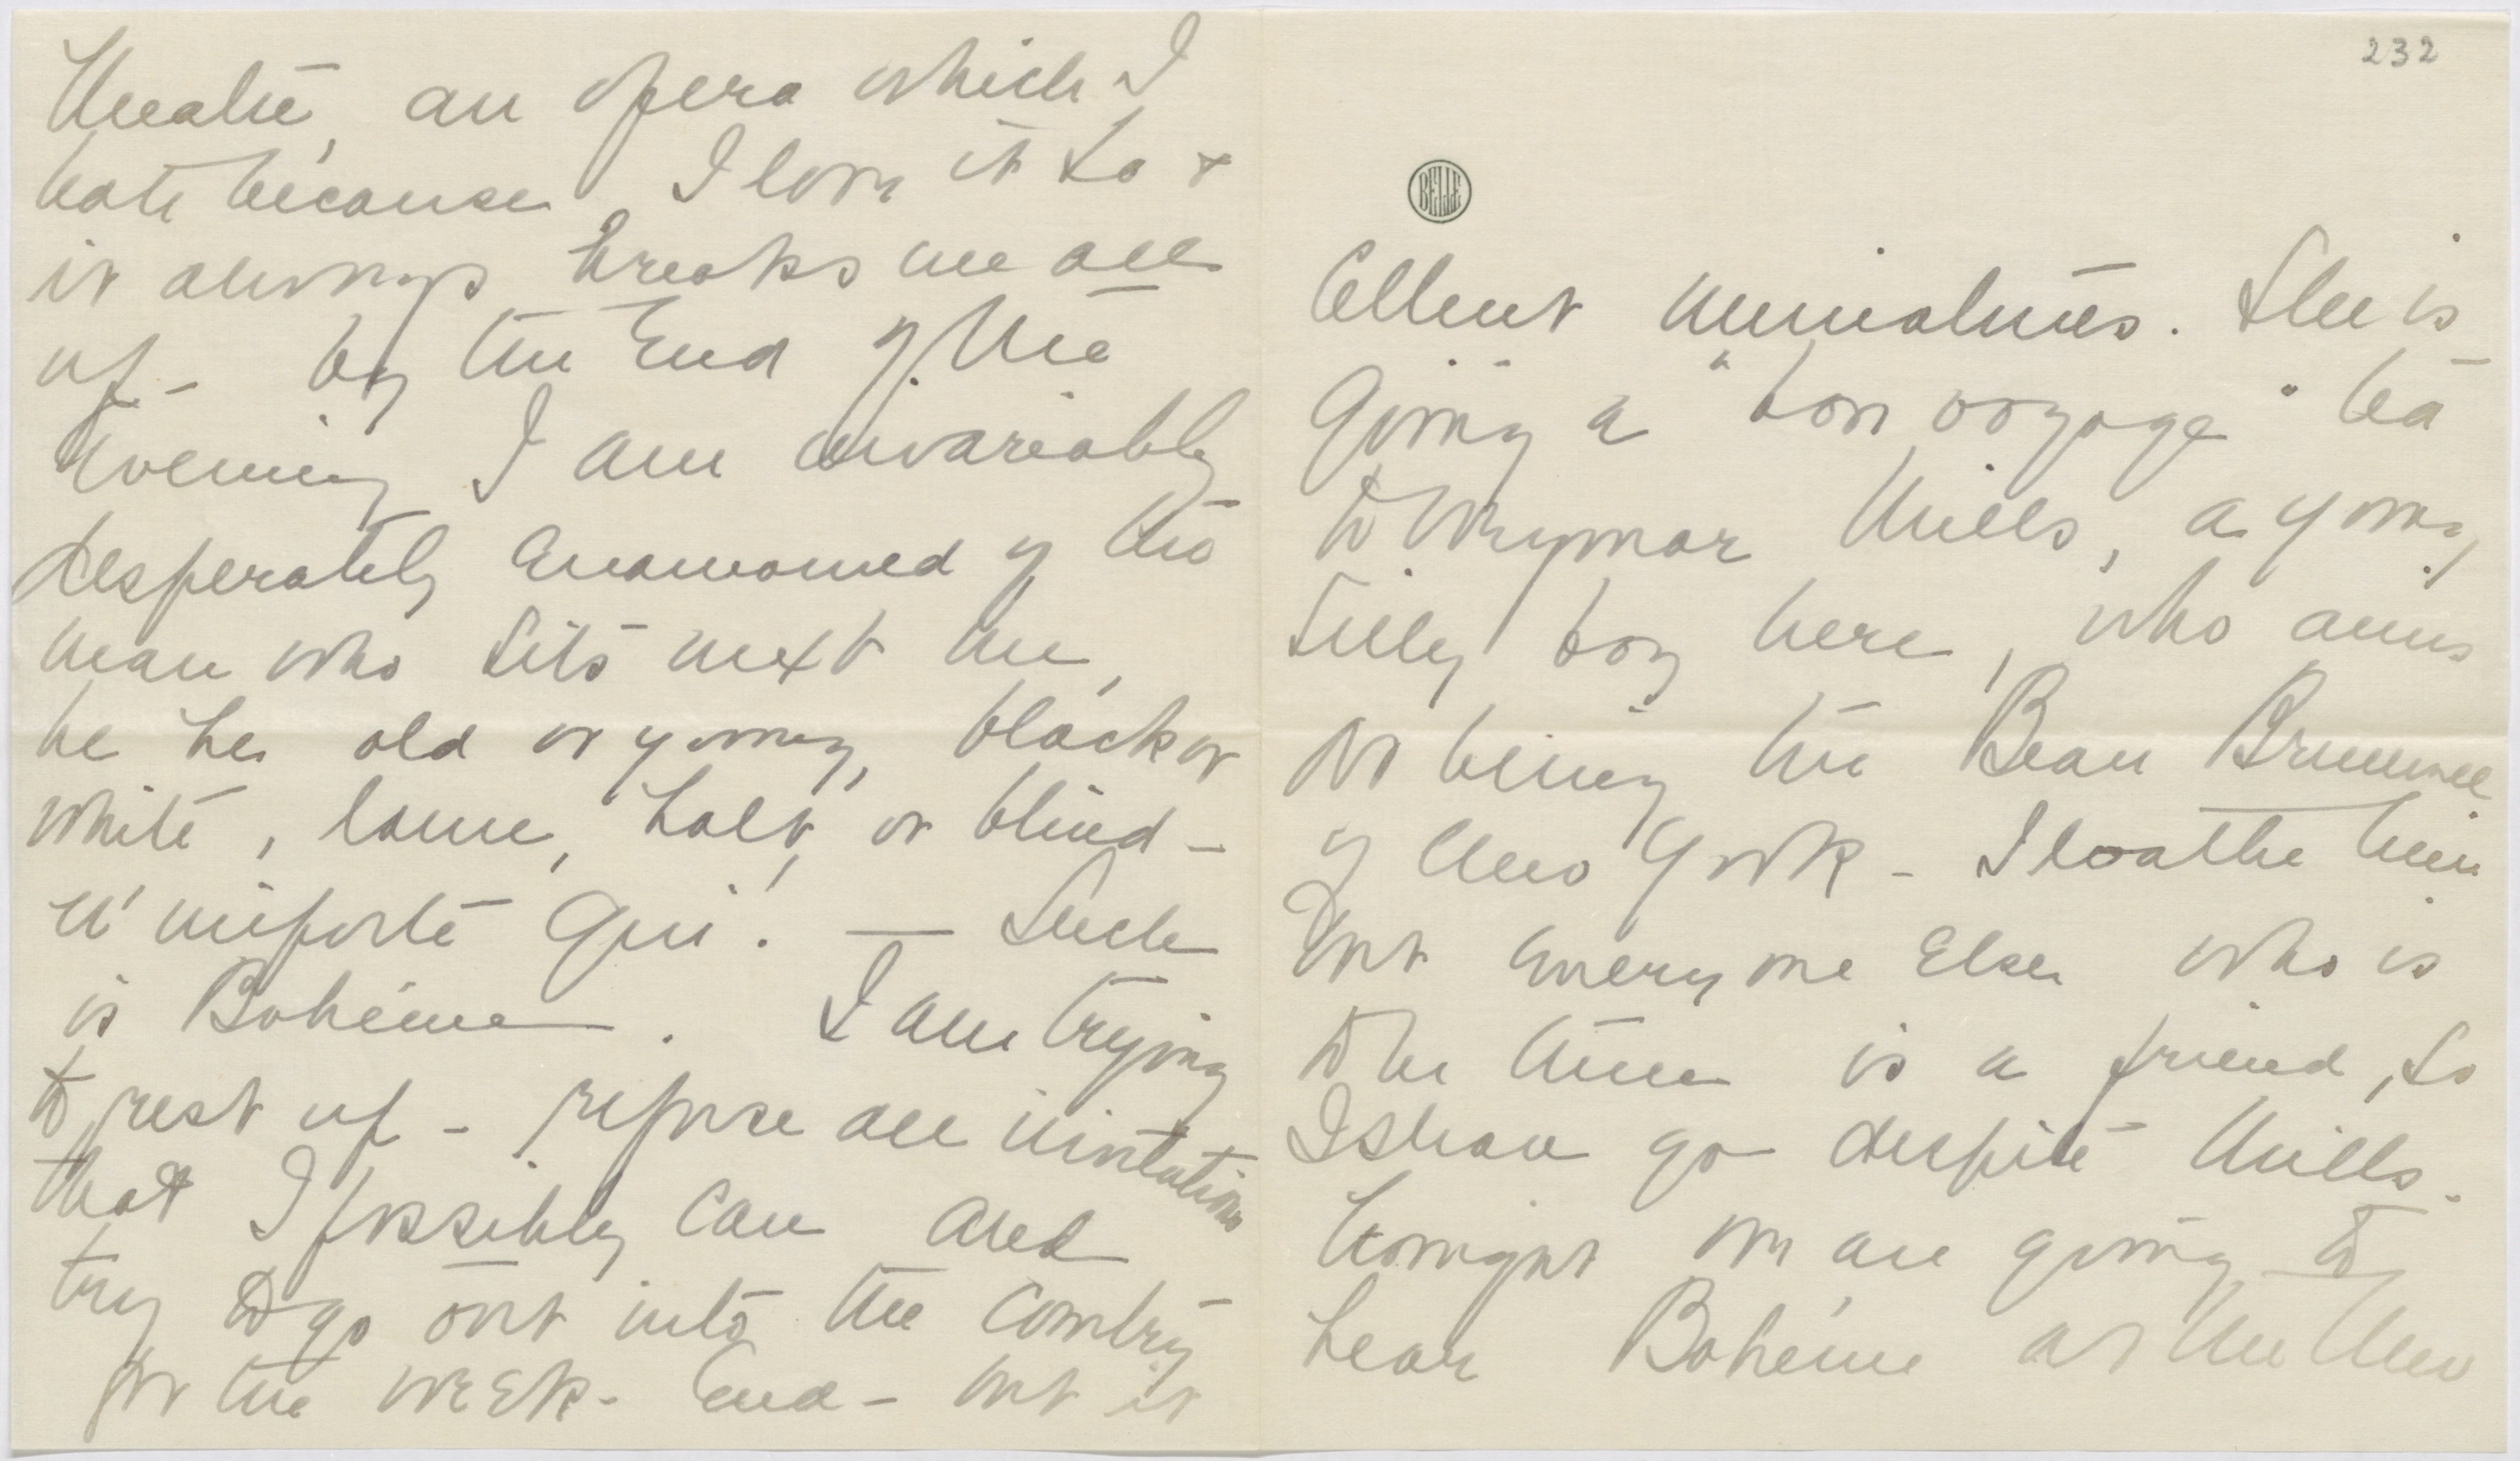miniatures. She is giving a “bon voyage” tea to Weymar Mills, a young silly boy here, who aims at being the Beau Brummell of New York – I loathe him but everyone else who is to be there is a friend, so I shall go despite Mills. Tonight we are going to hear Bohème at the New
Theatre, and opera which I hate because I love it so & it always breaks me all up – by the end of the evening I am invariably desperately enamoured of the man who sits next me [sic], be he old or young, black or white, lame, halt or blind – n’importe-qui! – Such is Bohème. I am trying to rest up – refuse all invitations that I possibly can and try to go out into the country for the week-end – but it